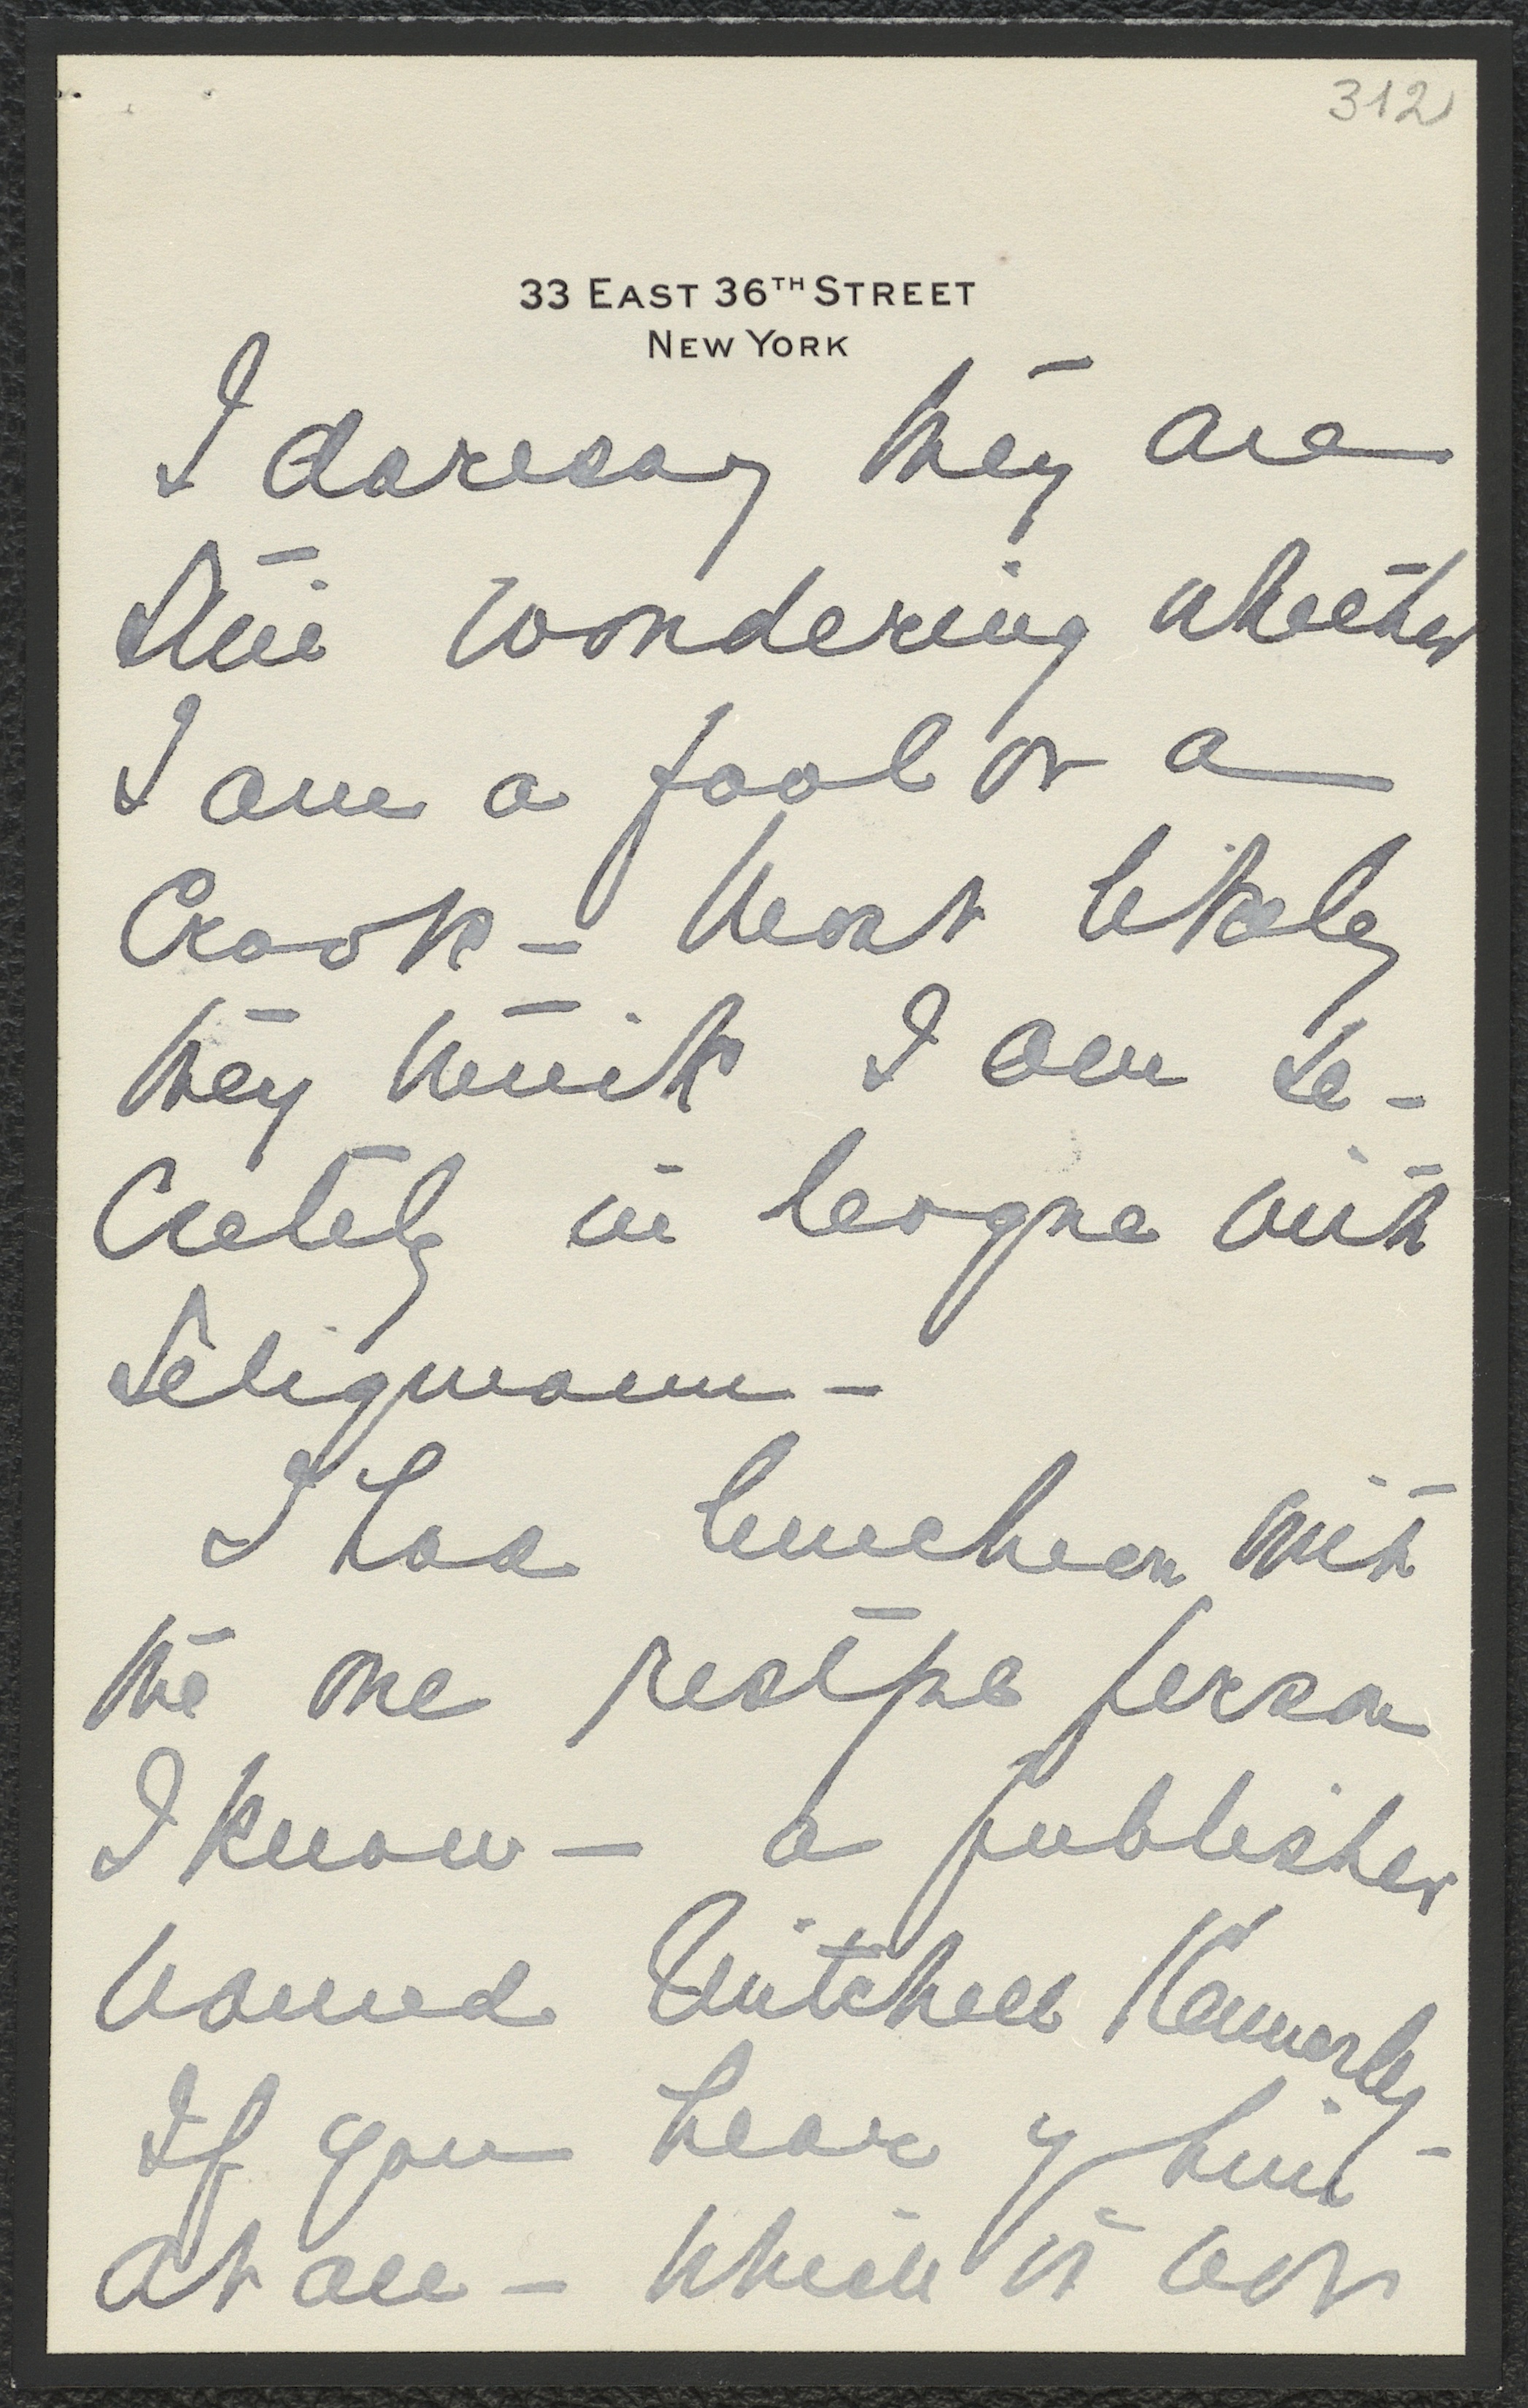I daresay they are still wondering whether I am a fool or a crook – Most likely they think I am secretly in league with Seligmann –
I had luncheon with the one restful person I know – a publisher named Mitchell Kennerley If you hear of him at all – which is not